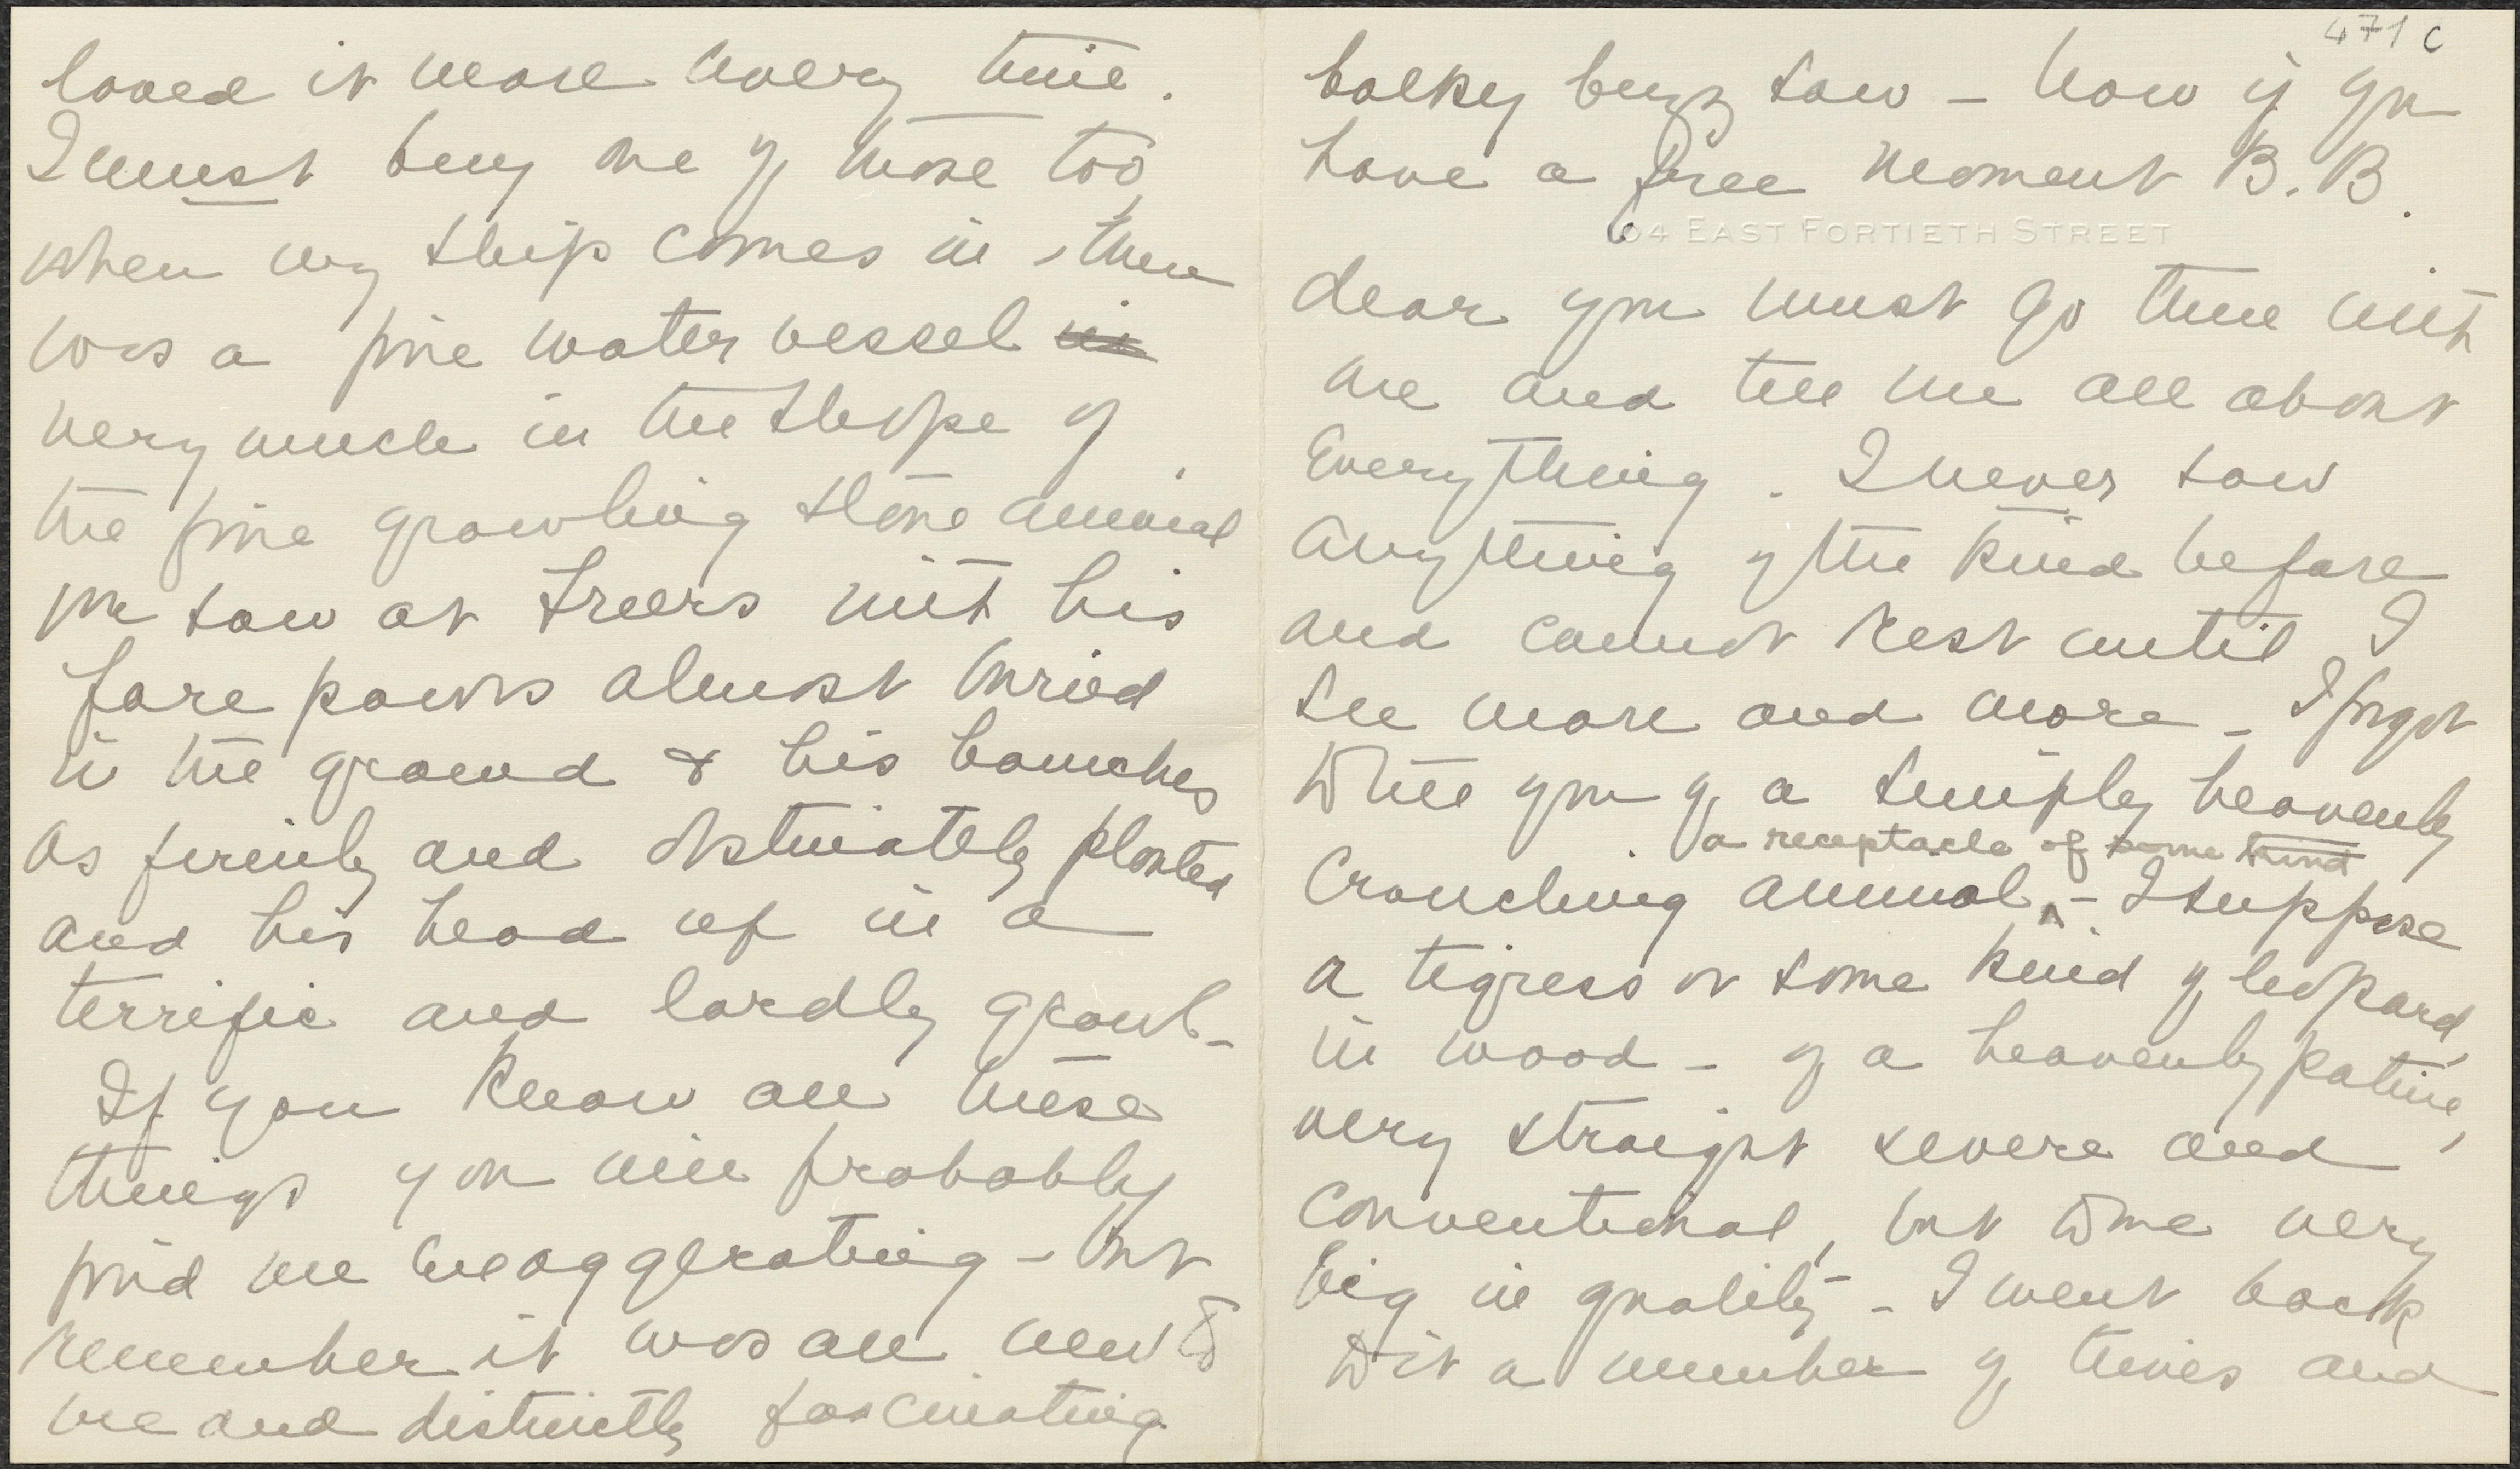balky buzz saw – Now if you have a free moment B.B. dear you must go there with me and tell me all about everything. I never saw anything of the kind before and cannot rest until I see more and more – I forgot to tell you of a simply [double underlined: heavenly] crouching animal [ ^ a receptacle of some kind ^] – I suppose a tigress or some kind of leopard, in wood – of a heavenly patine, very straight severe and conventional, but to me very big in quality – I went back to it a number of times and
loved it more every time. I must buy one of those too when my ship comes in, there was a fine water vessel in very much in the shape of the fine growling stone animal we saw at Freers with his bare paws almost buried in the ground & his haunches as firmly and obstinately planted and his head up in a terrific and lordly growl – If you know all these things you will probably find me exaggerating – but remember it was all new to me and distinctly fascinating.